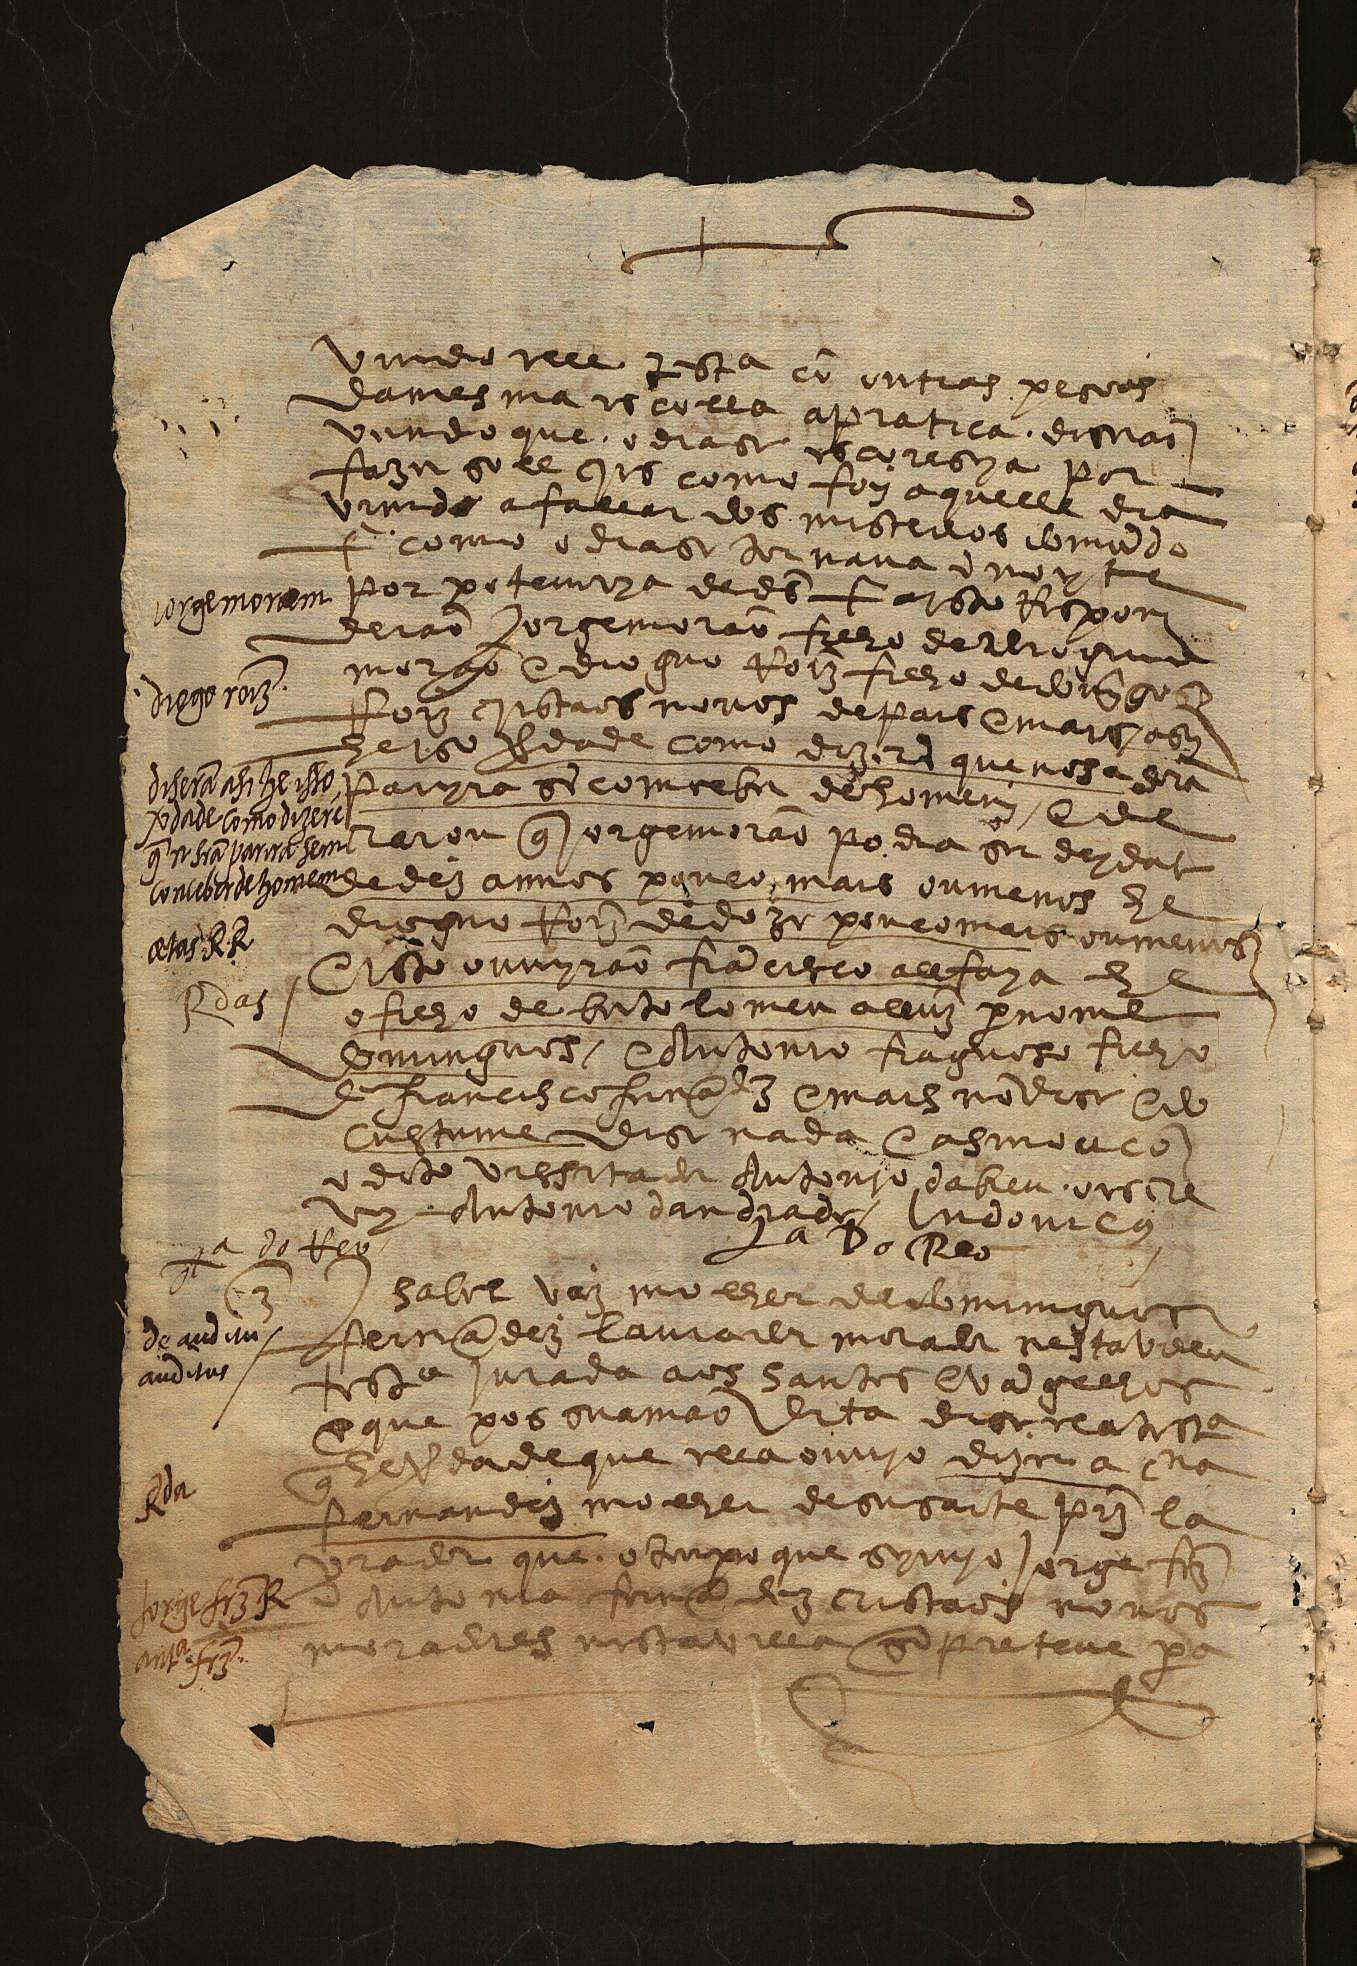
vindo elle testa cō outras pesoas
da mesma escolla a pratica . diseraõ
vendo que o dia se escoresya por
fazer soll cris como foy aquelle dia
vimdo a fallar dos mistereos do mūdo
E como o dia se tornaua ē noyte
por potemcja de ds̄ E a jsto Respom
iorge moram
deraõ Jorge moraõ filho de dioguo
moraõ e dioguo Roiz̄ filho de domj̄guos
diogo roiz̄.
Roiz cristaos nouos de pais e mais / asy
he jso ꝟdade como dizerē que nosa sorā
paryra sē comceber de homem / e de
diserā asi he isso,
ꝟdade como dizerē
q̄ n srā parira sem
conceber de homem
crarou q̄ Jorge moraõ podia ser de jdade
de dez annos pouco mais ou menos he
dioguo Roiz̄ de doze pouco mais ou menos
ætas R. R.
e isto ouuyraõ frācisco allfaya he
Rdas
o filho de bertolomeu alluz̄ ꝑ nome
dominguos / e Antonio fraguoso filho
de francisco fernādez e mais nō dise e do
custume dise nada e asinou cō
o dito vissitador Antonjo dabreu o escre
vy Antonio dandrade Ludouicꝯ
ta Do Reo
ta do Reo
item Jsabel vaz molher de dominguos
de auditu
auditus
fernādez laurador morador nesta villa
testa jurada aos santos evāgelhos
ē que pos sua maõ drta dise ela testa
q̄ he ꝟdade que ella ouujo diser a cna
Rda
fernandez molher de susarte piz̄ la
vrador que o tenpo que syrujo Jorge frz̄
e antonia fernādez cristaos nouos
Jorge frz̄ R
anta frz̄.
moradores nesta villa sēpre teue ꝑa
